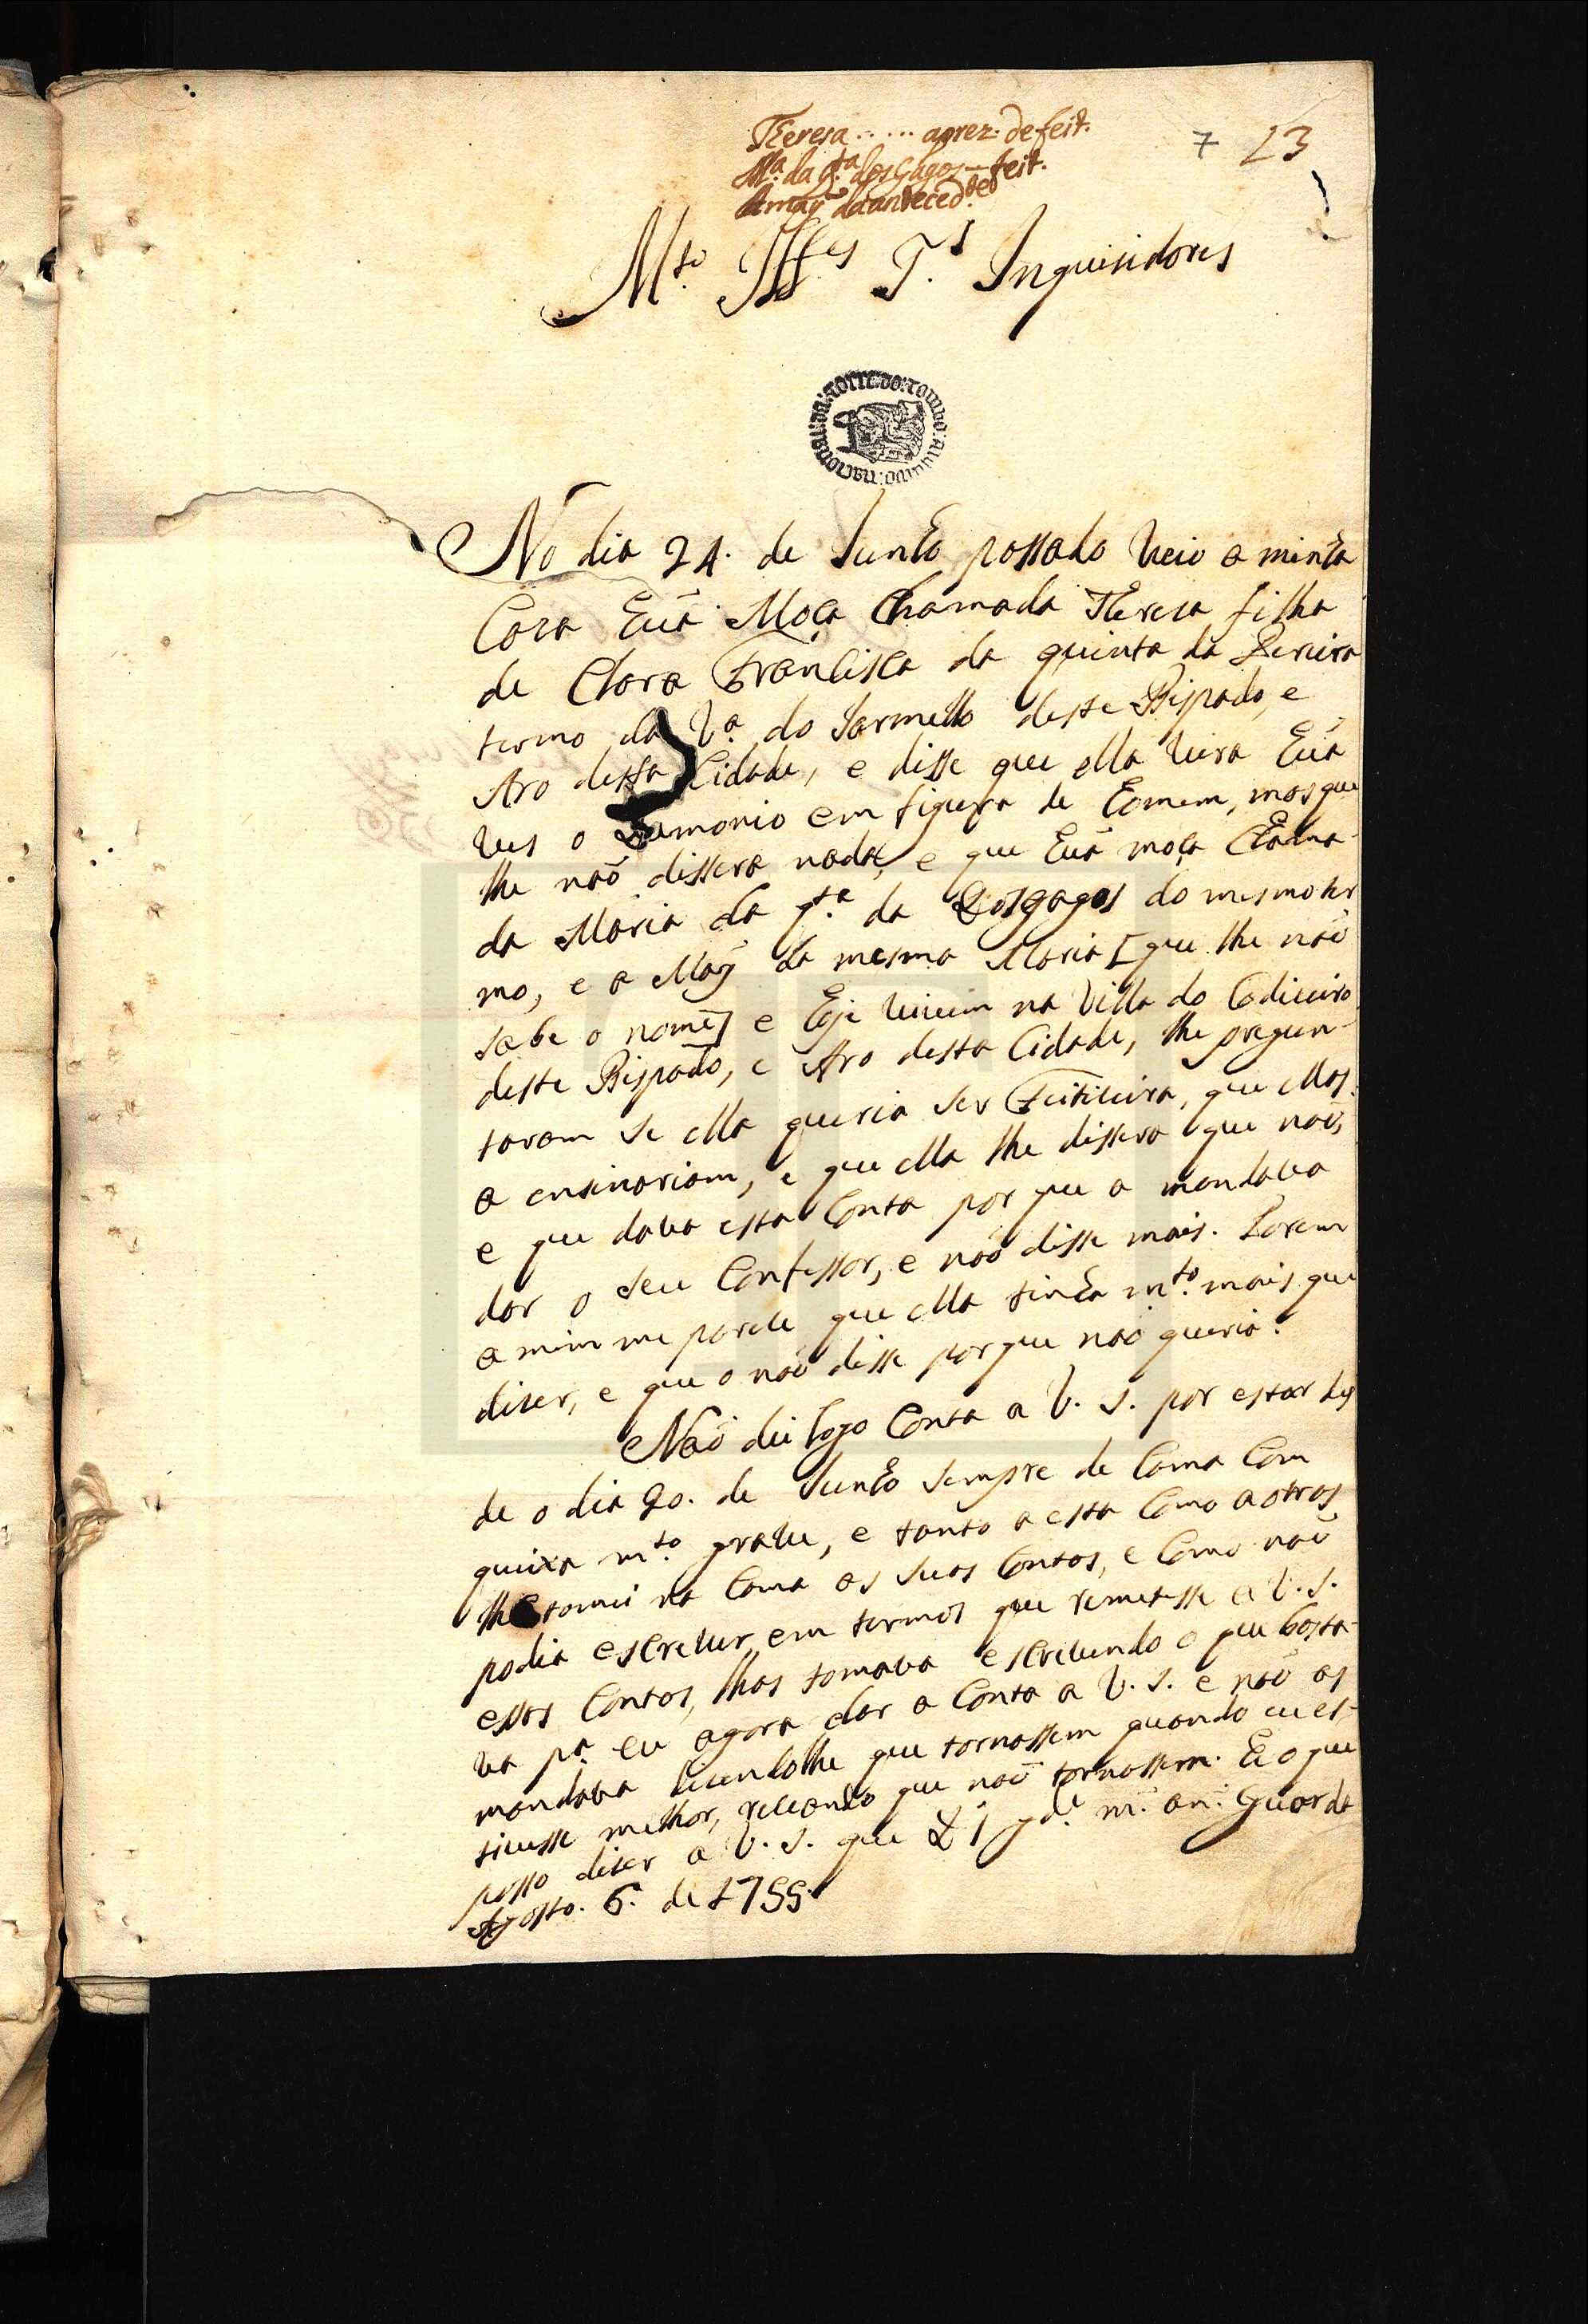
Theresa . . . . . aprez. de feit.
M.a da q.ta dos Gagos - feit.
A maỹ da anteced.te
M.to Ill̄.es S.rs Inquisidores
No dia 24. de Iunho passado veio a minha
Caza huā Moça Chamada Thereza filha
de Clara Francisca da quinta da Pereira
termo da V.a do Iarmello deste Bispado, e
Aro desta Cidade, e disse que ella vira huā
ves o D_monio em figura de homem, mas que
lhe naõ dissera nada, e que huā moça Chama
da Maria da q.ta da Dos gagos do mesmo ter
mo, e a Maỹ da mesma Maria [que lhe naõ
sabe o nome] e hoje uiuem na Villa do Codiceiro
deste Bispado, e Aro desta Cidade, lhe pregun
taram se ella queria ser Feiticeira, que ellas
a ensinariam, e que ella lhe dissera que naõ,
e que dava esta Conta por que a mandava
dar o seu Confessor, e não disse mais. Porem
a mim me parece que ella tinha m.to mais que
dizer, e que o naõ disse porque naõ queria.
Naõ dei Logo Conta a V. s. por estar des
de o dia 20. de Iunho sempre de Cama Com
queixa m.to grave, e tanto a esta Como a otras,
lh_ tomei na Cama as suas Contas, e Como naõ
podia escrever em termos que remetesse a V. s.
essas Contas, lhas tomava escrevendo o que basta
va p.a eu agora dar a Conta a V. s. e naõ as
mandava dizendolhe que tornassem quando eu es
tiuesse melhor, receando que naõ tornassem. he o que
posso dizer a V. s. que Ds̄ gde. m.̄ an.̄ Guarda
Agosto. 6. de 1755.
